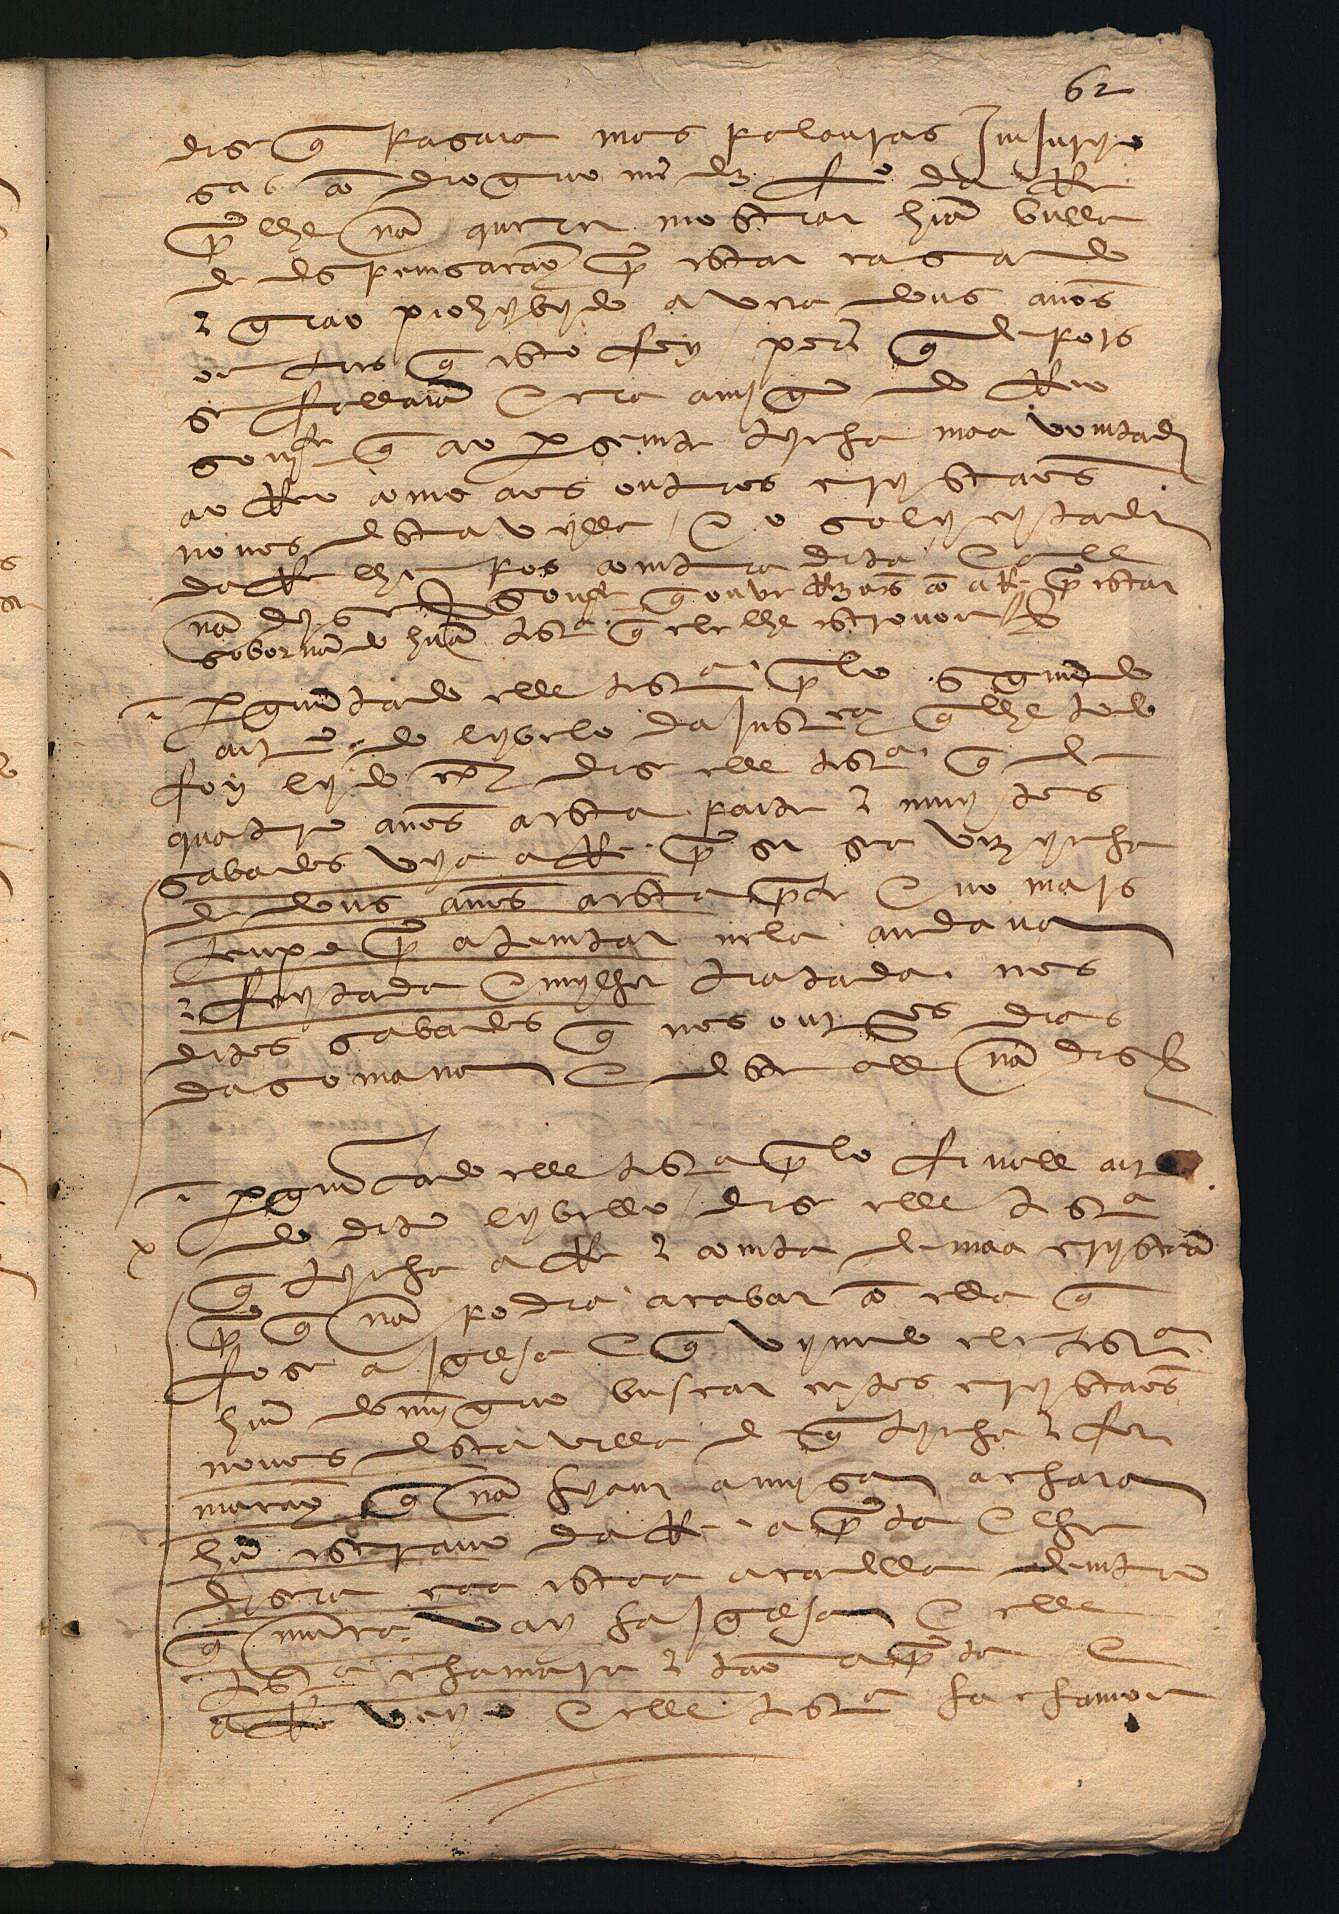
62
dise q̄ pasara mas palauras JmJuryo
sas c̄o dioguo mēdez fo da Re
p̄o lhe nā querer mostrar huā bulla
de despemsação p̄o estar casado
ē grao prohybydo avera dous anōs
ou tres q̄ esto foy porē q̄ depojs
se fallarā e era amjgo do Reo
somte q̄ ao ꝑsemte tynha maa voomtade
ao Reo como aos outros crystaõs
nouos desta vylla / e o solycytador
da Re lhe pos comtradita e all
nā dyse
Somte q̄ ouve Rezoẽs c̄o a Re p̄o estar
sobornādo huā testa q̄ ela lhe estrouou //
item ꝑgun̄tado elle testa p̄lo seguūdo
arto do lybelo da Justça q̄ lhe todo
foy lydo c̄ꝭ dise elle testa q̄ de
quatro anōs a esta parte ē muytos
sabados vya a Re p̄o ser sua vizinha
de dous an̄os a esta p̄te e no majs
tenpo p̄o atemtar nela andaua
ēfeytada e mylhor tratada nos
ditos sabados q̄ nos outos dias
da somana e deste all nā dise
item ꝑgun̄tado elle testa p̄lo finall arto
do dito lybello dise elle testa
q̄ tynha a Re ē comta de maa crystaā
p̄oq̄ nā podia acabar c̄o ella q̄
fose a JgreJa e q̄ vymdo elle testa
hū domȳguo buscar certos crystaõs
nouos desta villa de q̄ tynha ēfor
maçaõ q̄ nā hyam a mysa achara
hū escrauo da Re a p̄ota e lhe
djsera caa estaa a cadella demtro
q̄ nūca vay ha JgreJa e elle
testa chamara ētaõ a p̄ota e
a Re veyo e elle testa ha chamou
